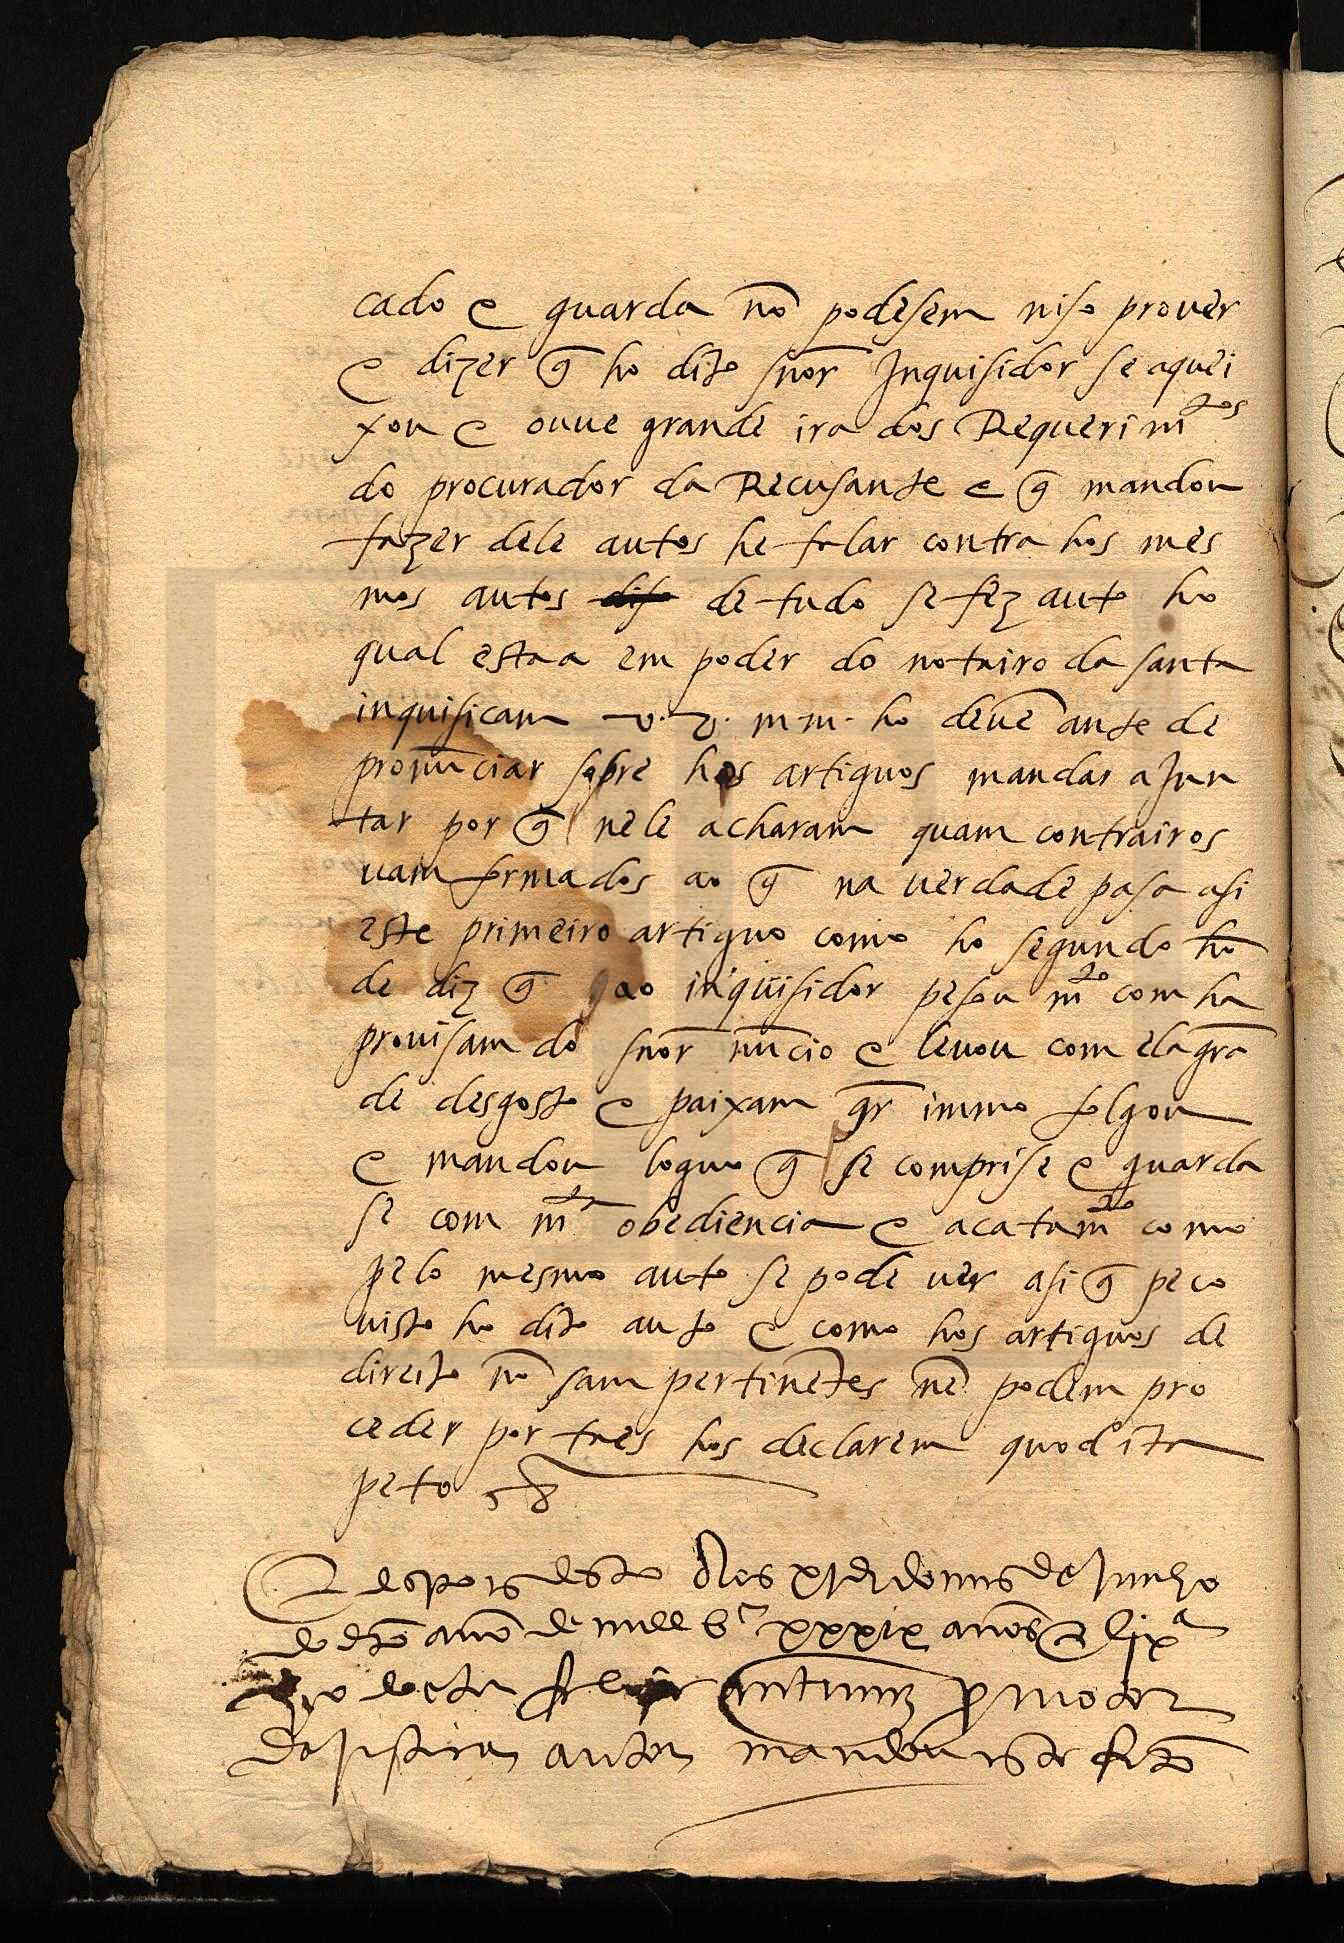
cado e guarda nō podesem niso prouer
e dizer q̄ ho dito snōr Jnquisidor se aquei
xou e ouue grande ira dos Requerimtos
do procurador da Recusante e q̄ mandou
fazer dele autos he falar contra hos mes
mos autos dis de tudo se fez auto ho
qual estaa em poder do notairo da santa
inquisiçam v.v. m.m. ho deuē ante de
pronūciar sobre hos artiguos mandar aJun
tar porq̄ nele acharam quam contrairos
uam formados ao q̄ na uerdade pasa asi
este primeiro artiguo como ho segundo hō
de diz q̄ ao inquisidor pesou mto com ha
prouisam do snōr nūcio e leuou com ela grā
de desgosto e paixam q̄r immo folgou
e mandou loguo q̄ se comprise e guarda
se com mta obediencia e acatamto como
pelo mesmo auto se pode uer asi q̄ peço
uisto ho dito auto e como hos artiguos de
direito nō sam pertinētes nē podem pro
ceder por taes hos declarem quod ita
peto cꝭ̄
E despois desto Aos xj di do mes de Junho
do dt̄o anō de mill bc xxxix anos ē lixa
ho doctor felipe antunez ꝓmotor
da Justiça autor mandou este fctō
